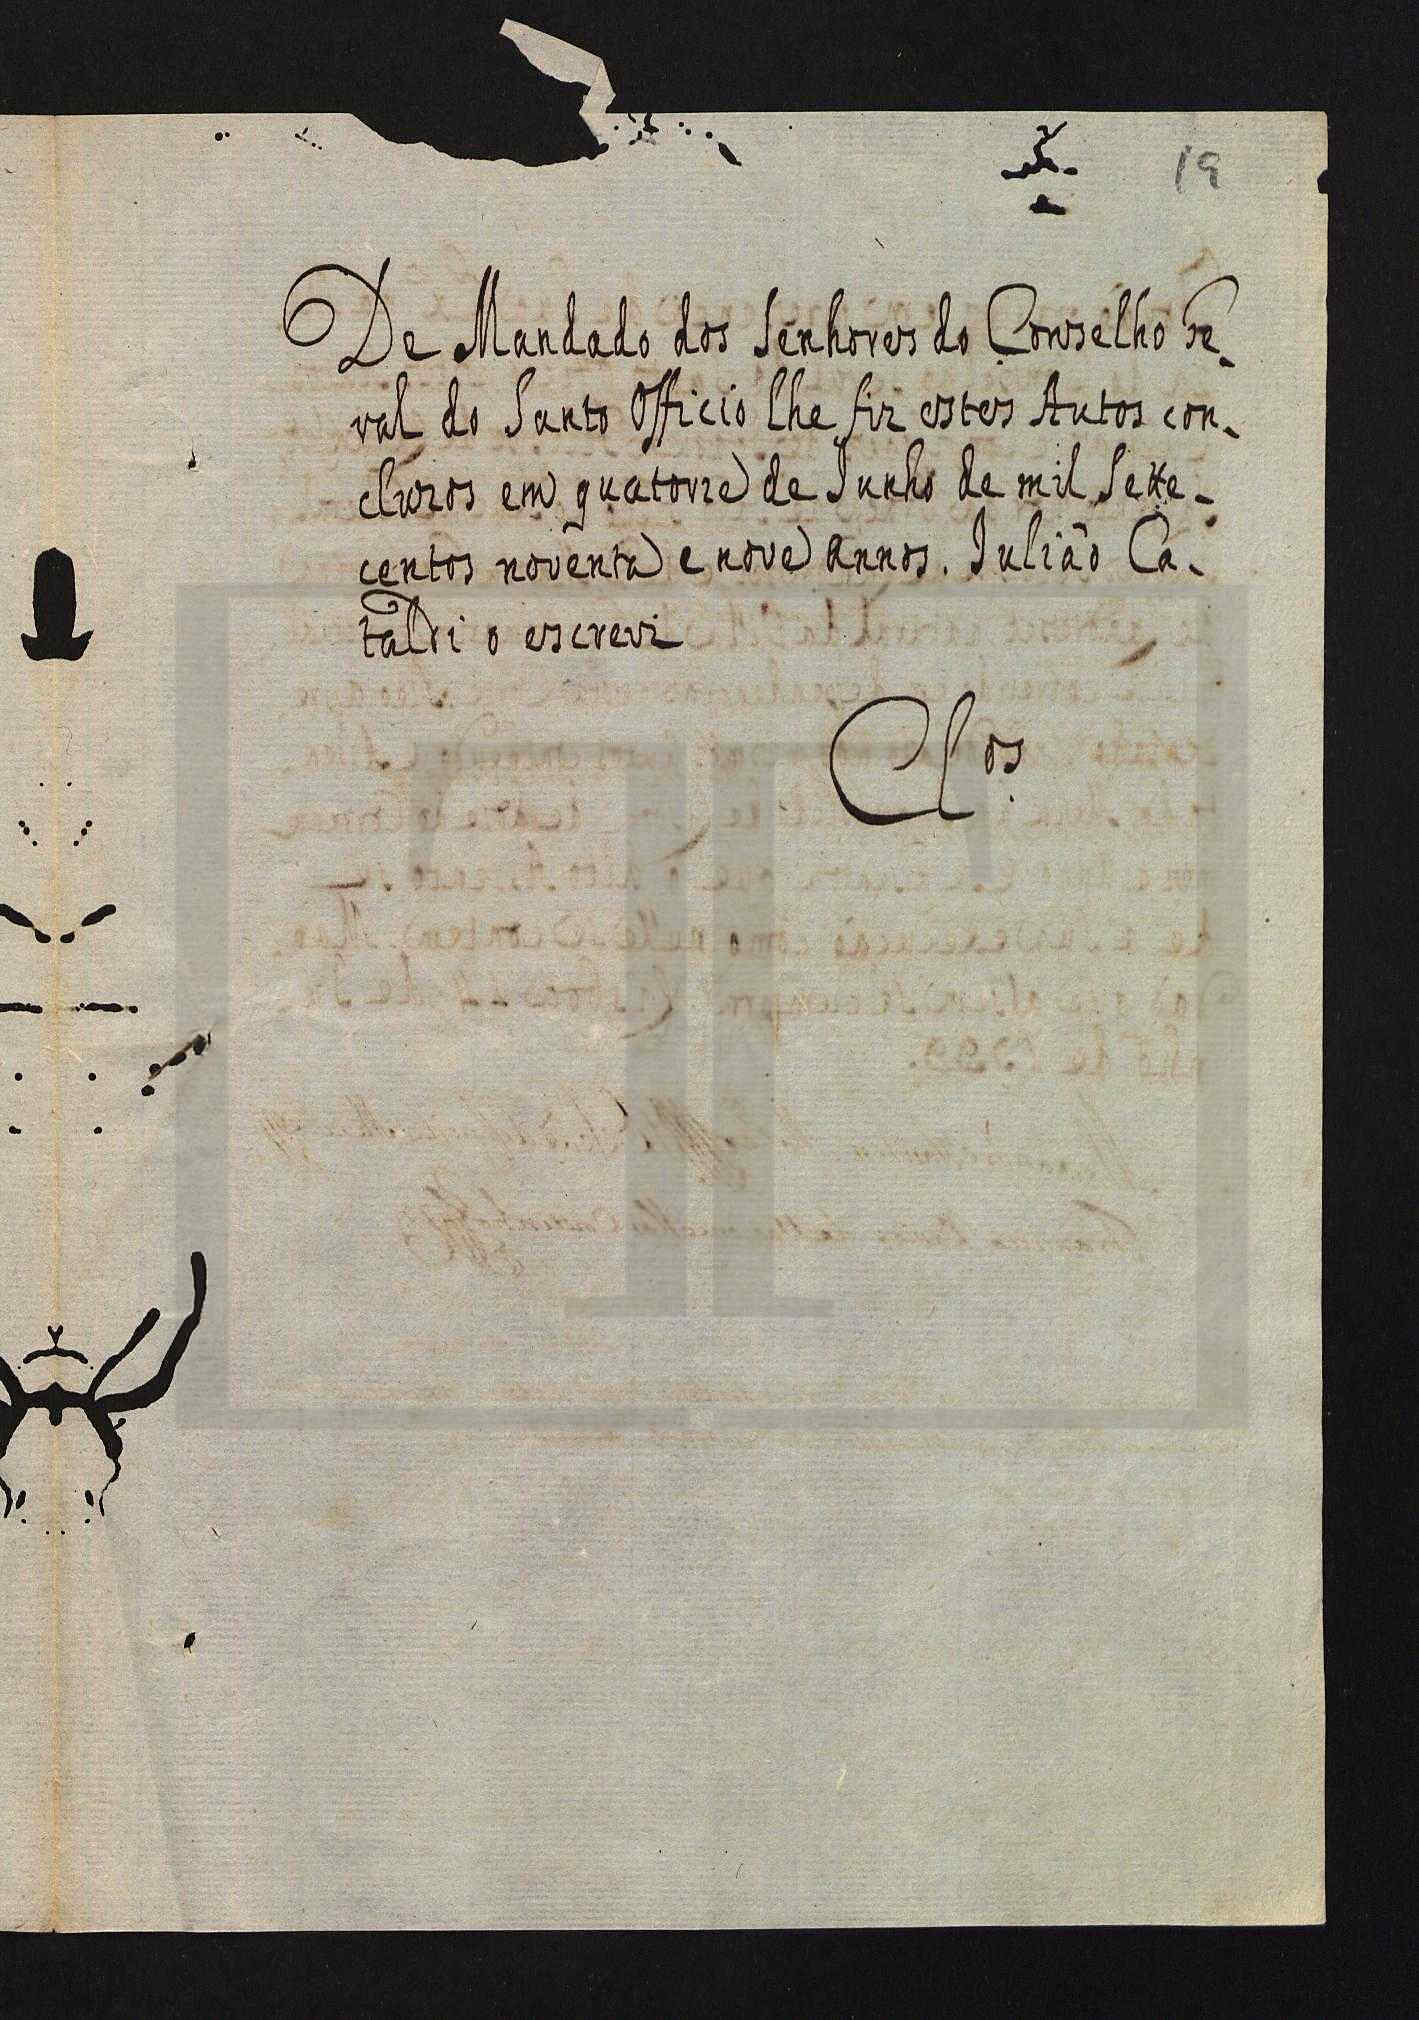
19
De Mandado dos Senhores do Conselho Ge
ral do Santo Officio lhe fiz estes Autos con
cluzos em quatorze de Iunho de mil Sette
centos noventa e nove annos. Iulião Ca
taldi o escrevi
Cl.os
